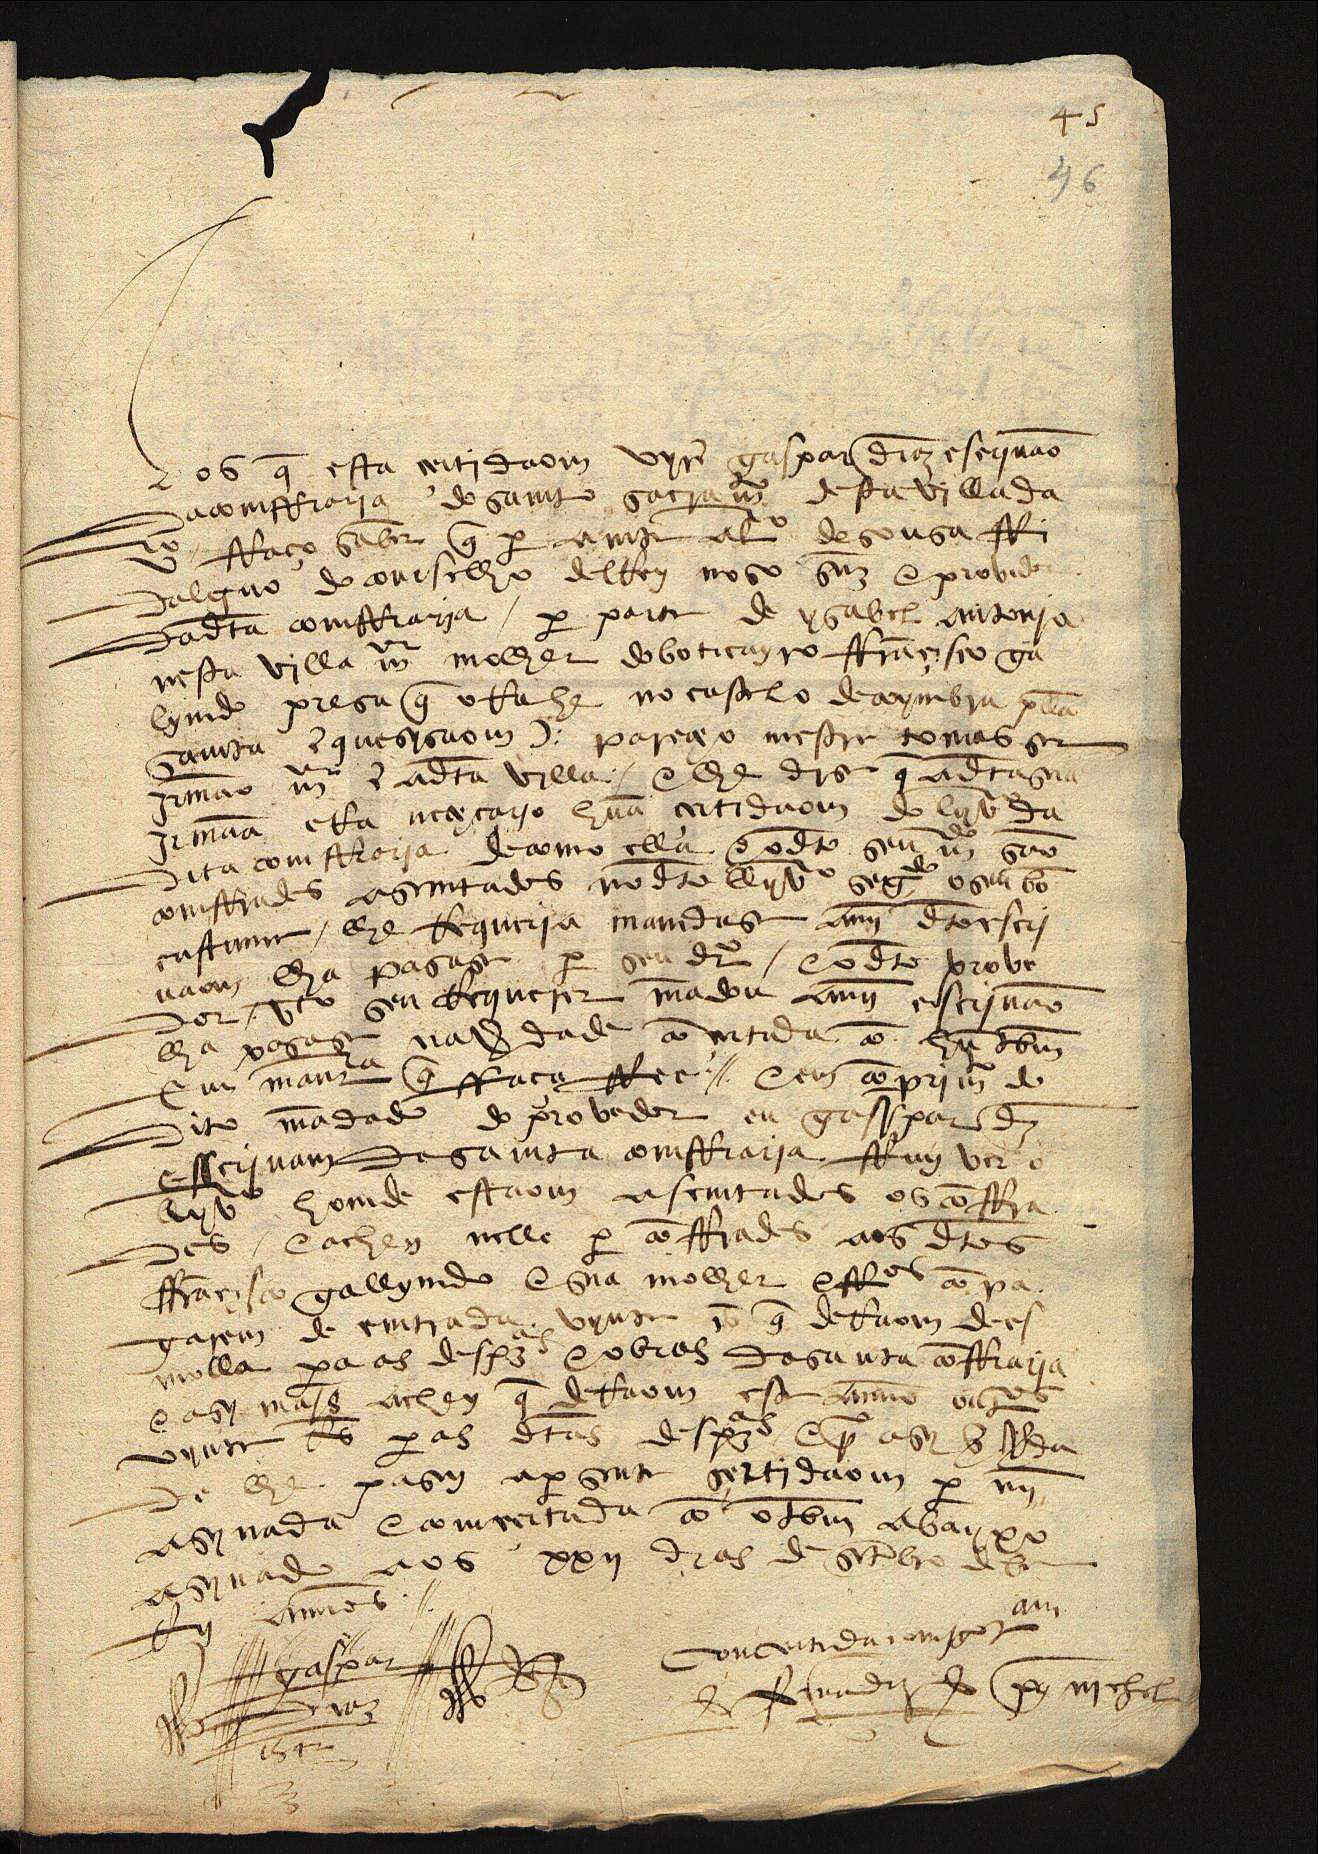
Aos q̄ esta certjdaom vyrē gaspar diaz escrjuão
da comffrarja do samto sacramto desta villa da
vro ffaço saber q̄ ꝑamte aLro de sousa ffi
dalguo do comselho del Rey noso s̄or e provedor
da d̄ta comffrarja / ꝑ parte de ysabel Antonja
nesta vjlla mor molher do boticayro ffrançisco ga
lymdo presa q̄ ora he no castelo de coymbra p̄lla
samta ēquesysaom /: pareçeo mestre tomas seu
Jrmão mor ē a d̄ta villa:/ e lhe dise q̄ a d̄ta sua
Jrmāa eRa neceçarjo hūa certidaom do lyvro da
dita comffrarja de como ella e o d̄to seu mdo são
comffrades asemtados no d̄to llyvro segdo o seu bō
custume / lhe Requerja mamdase a mj̄ dt̄o escrj
uaom lha pasase ꝑ seu dro / e o d̄to prove
dor / vto seu Requerer m̄adou a m̄j escrjuão
lha pasase na ꝟdade c̄ocertada c̄o hū t̄bm
Em manra q̄ ffaça ffee .//. e em c̄oprjmto do
dito mādado do provedor eu gaspar dz̄
Esscrjuam da samta comffrarja ffuy ver o
llyvro homde estaom asemtados os c̄offra
des / e achey nelle ꝑ cōffrades aos d̄tos
ffrācizco gallymdo e sua molher e ffos c̄o pa
garem de emtrada vynte rs̄ q̄ deRaom de es
molla ꝑa as despzas e obras da santa c̄offrarja
e asy majs achey q̄ deRaom este anno outros
vynte R̄s ꝑ as d̄tas despzas e p̄o asy ꞩ ꝟda
de lhe pasey a ꝑsente certidaom ꝑ mj̄
asynada e comcertada c̄o o t̄bm abayxo
asynado aos xxij dias de setēbro de bc
Rij annos .//.
gaspar
Diaz
1542
Concertada comjgo tam
fernā diz p̄g njchel
